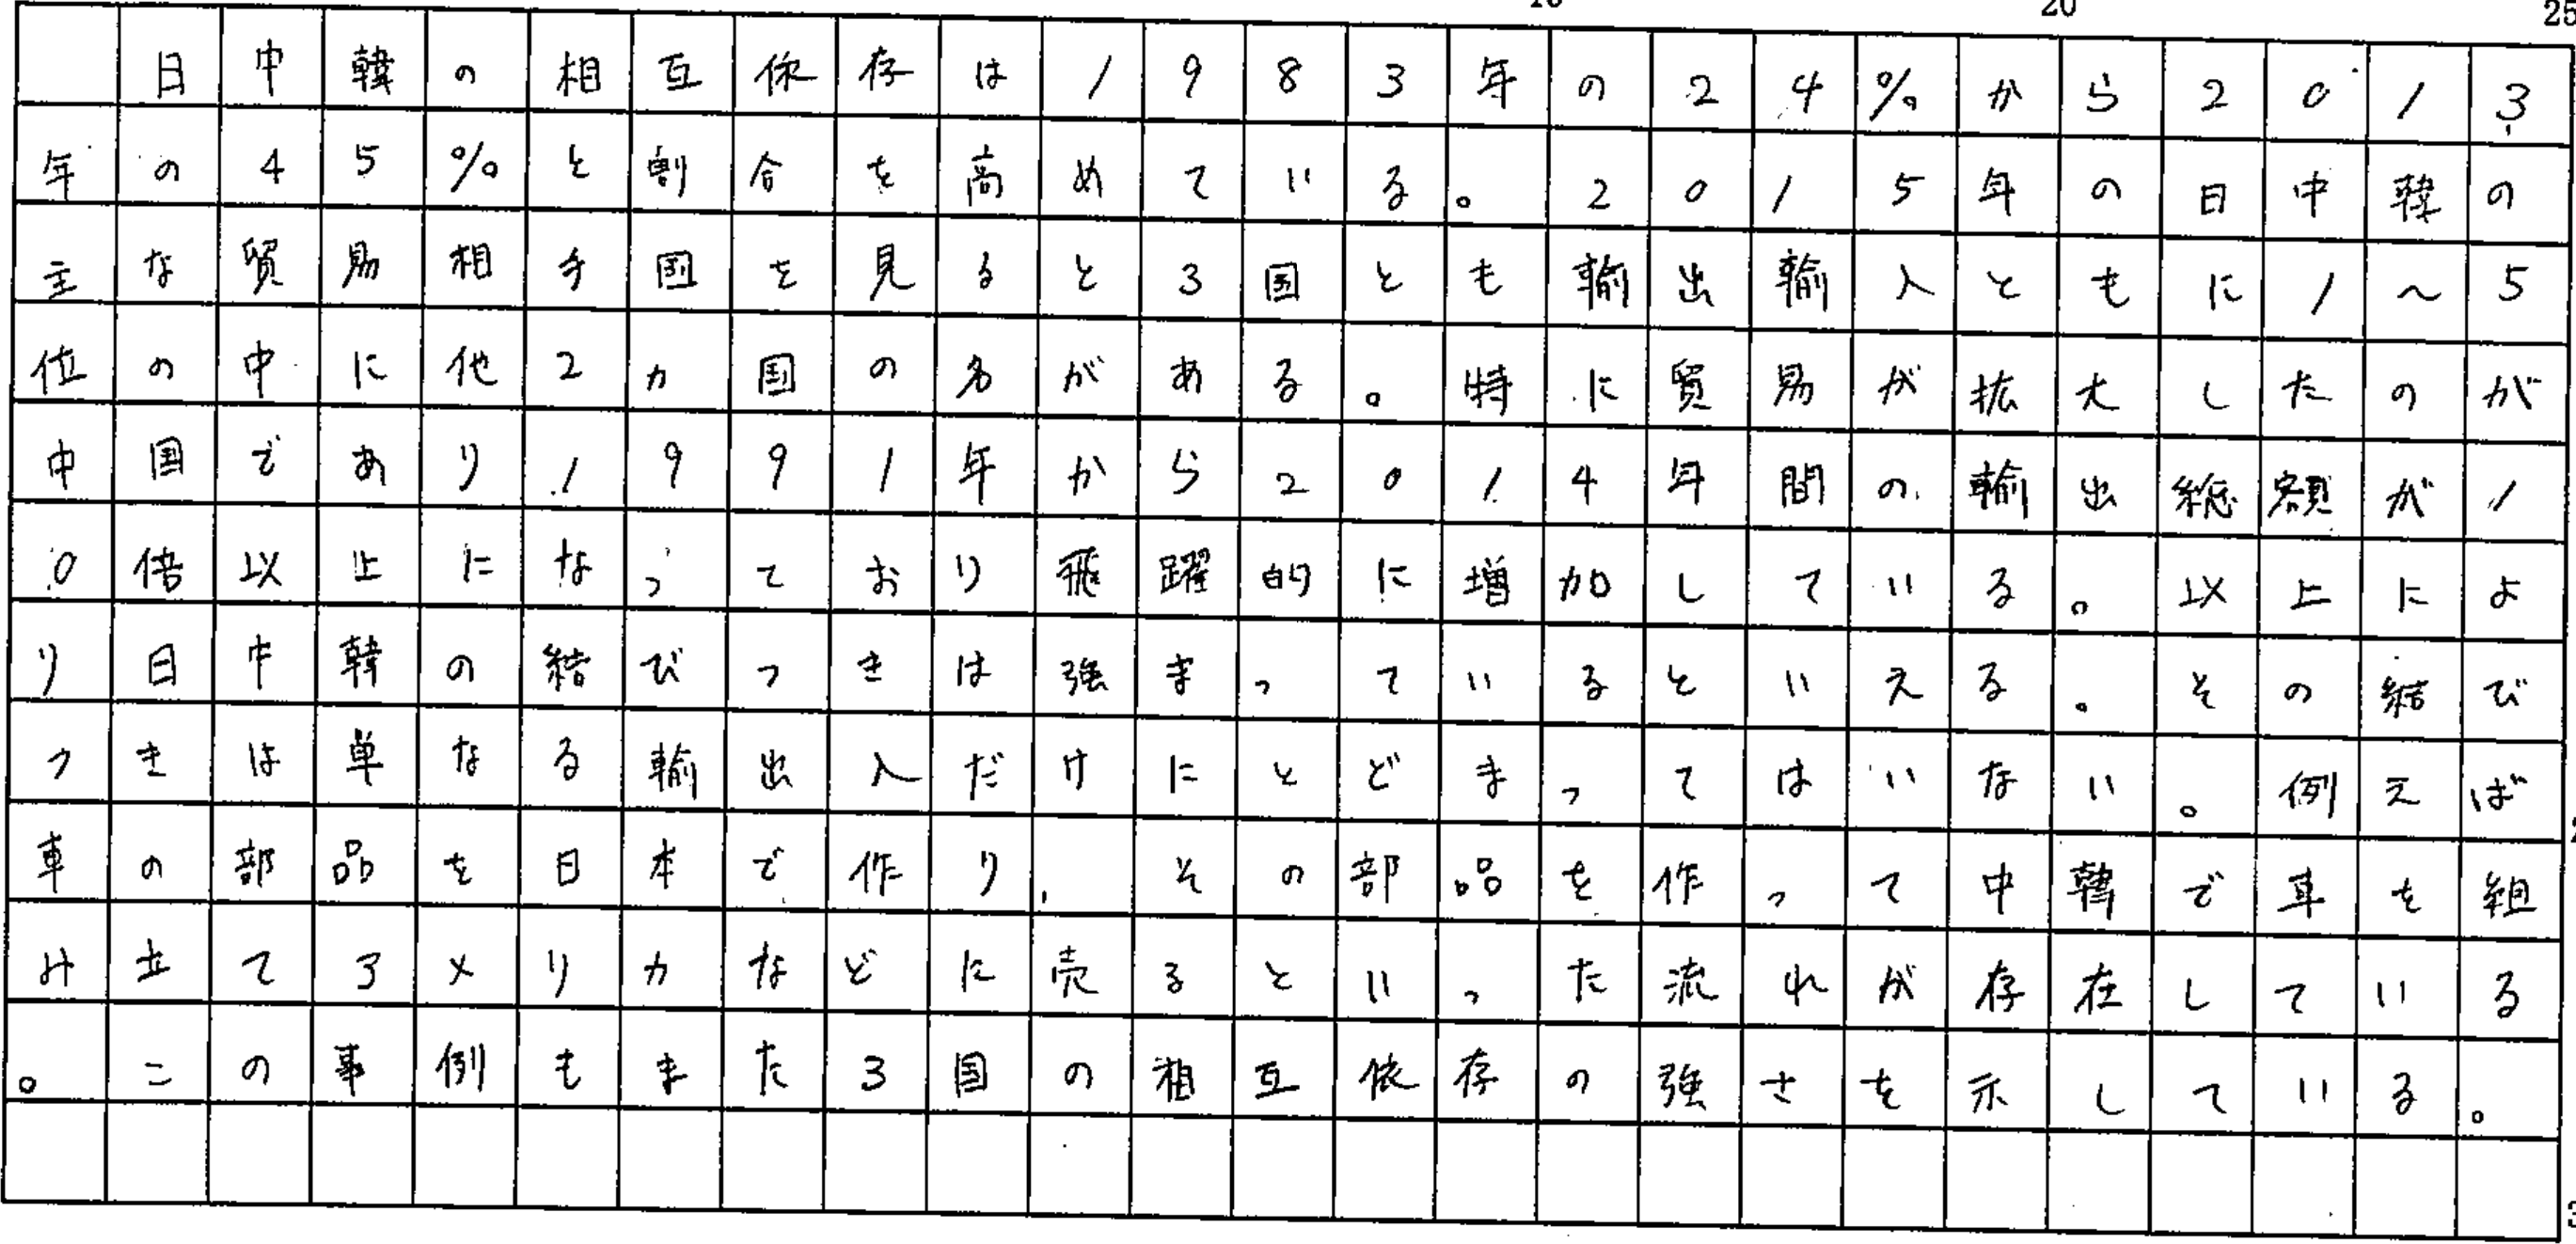　日中韓の相互依存は１９８３年の２４％から２０１３年の４５％と割合を高めている。２０１５年の日中韓の主な貿易相手国を見ると３国とも輸出輸入ともに１～５位の中に他２ヵ国の名がある。特に貿易が拡大したのが中国であり１９９１年から２０１４年間の輸出総額が１０倍以上になっており飛躍的に増加している。以上により日中韓の結びつきは強まっているといえる。その結びつきは単なる輸出入だけにとどまってはいない。例えば車の部品を日本で作り、その部品を作って中韓で車を組み立てアメリカなどに売るといった流れが存在している。この事例もまた３国の相互依存の強さを示している。
